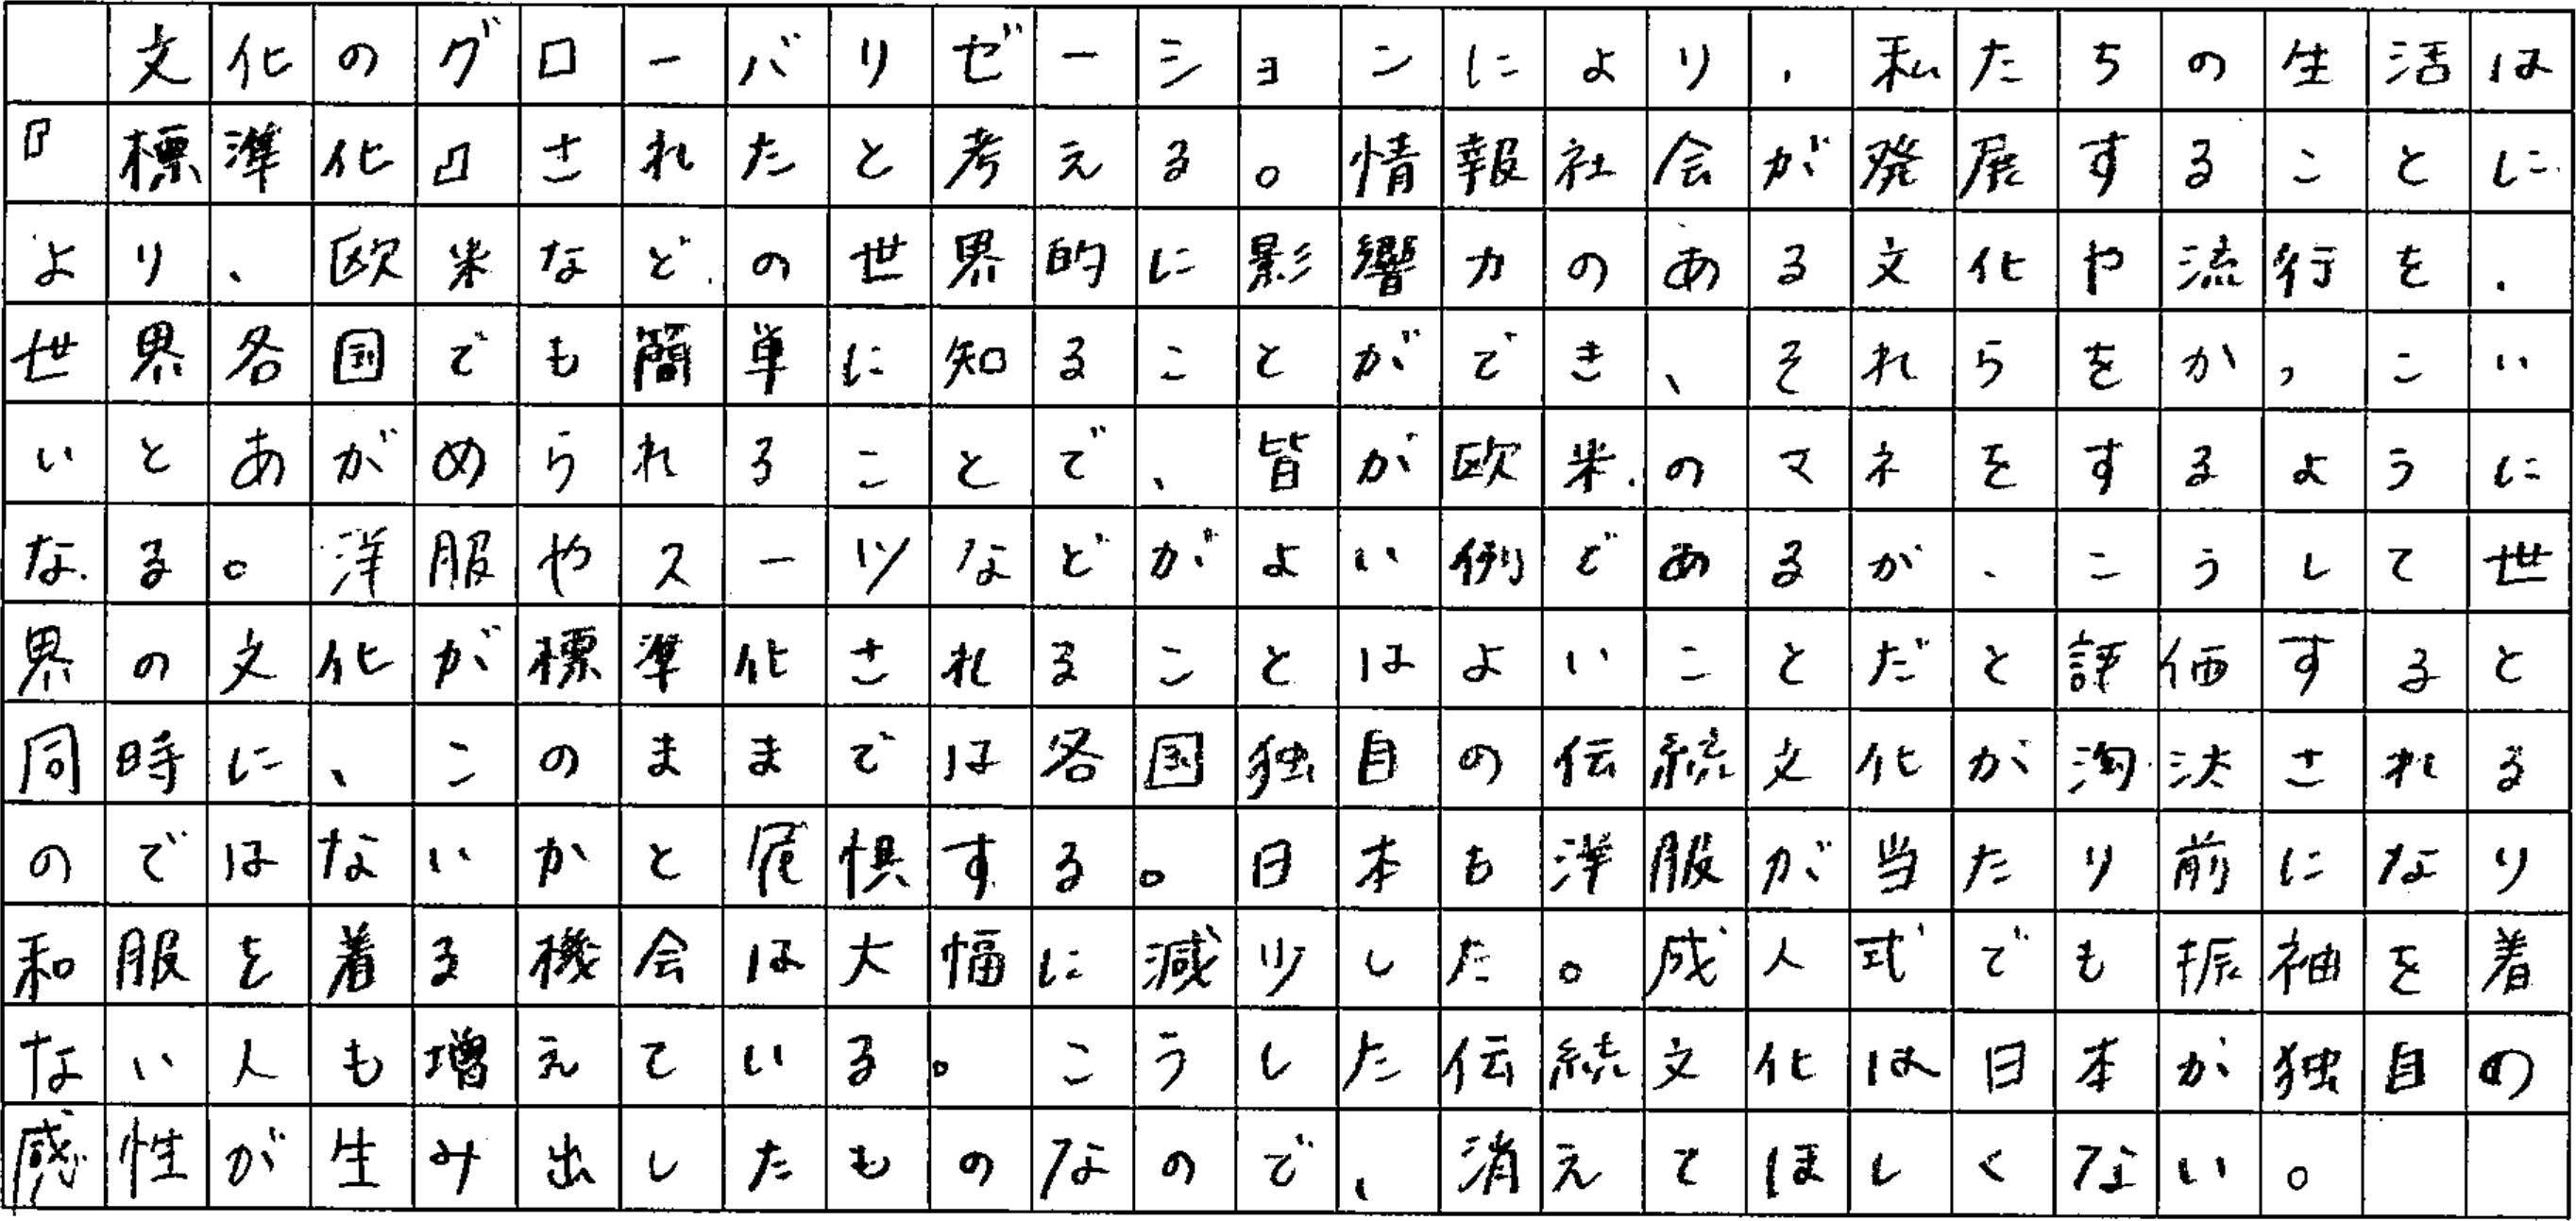　文化のグローバリゼーションにより、私たちの生活は『標準化』されたと考える。情報社会が発展することにより、欧米などの世界的に影響力のある文化や流行を、世界各国でも簡単に知ることができ、それらをかっこいいとあがめられることで、皆が欧米のマネをするようになる。洋服やスーツなどがよい例であるが、こうして世界の文化が標準化されることはよいことだと評価すると同時に、このままでは各国独自の伝統文化が淘汰されるのではないかと危惧する。日本も洋服が当たり前になり和服を着る機会は大幅に減少した。成人式でも振袖を着ない人も増えている。こうした伝統文化は日本が独自の感性が生み出したものなので、消えてほしくない。
